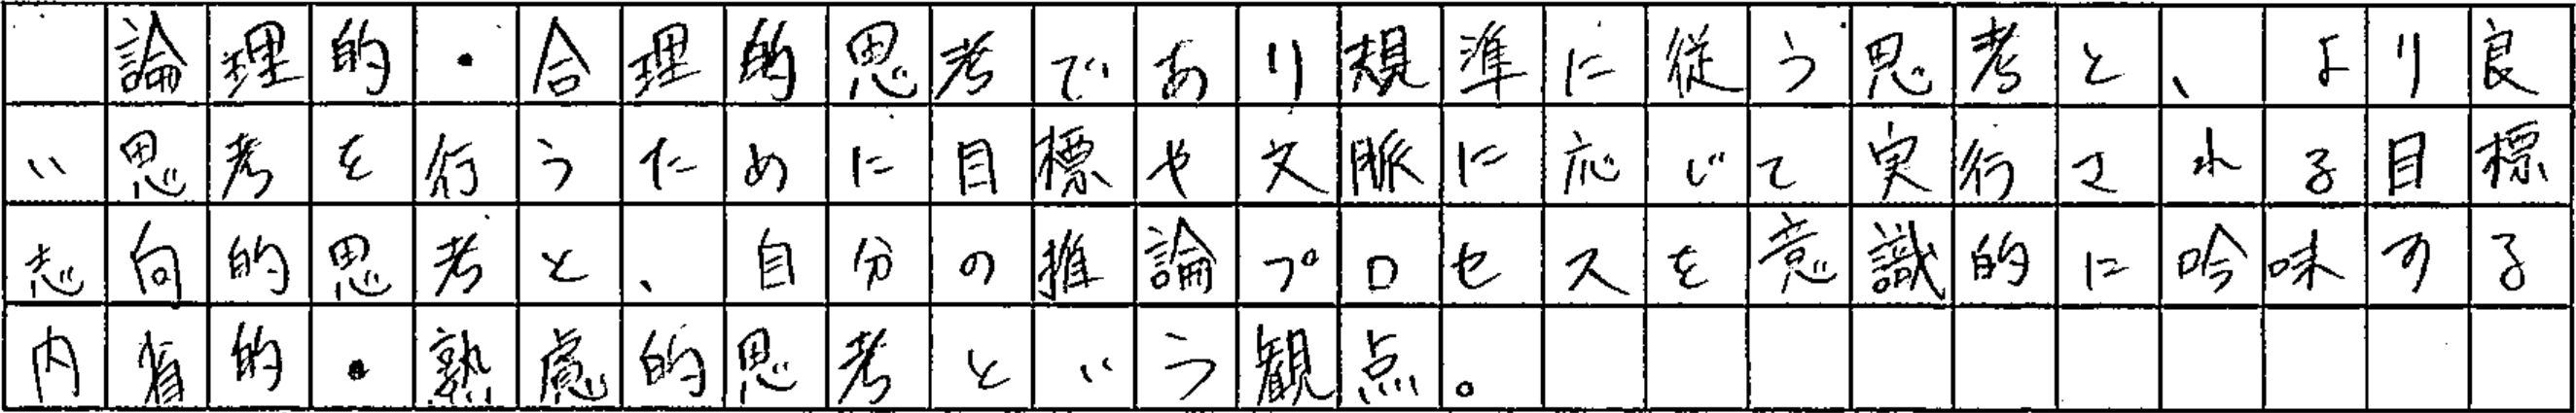　論理的・合理的思考であり規準に従う思考と、より良い思考を行うために目標や文脈に応じて実行される目標志向的思考と、自分の推論プロセスを意識的に吟味する内省的・熟慮的思考という観点。
